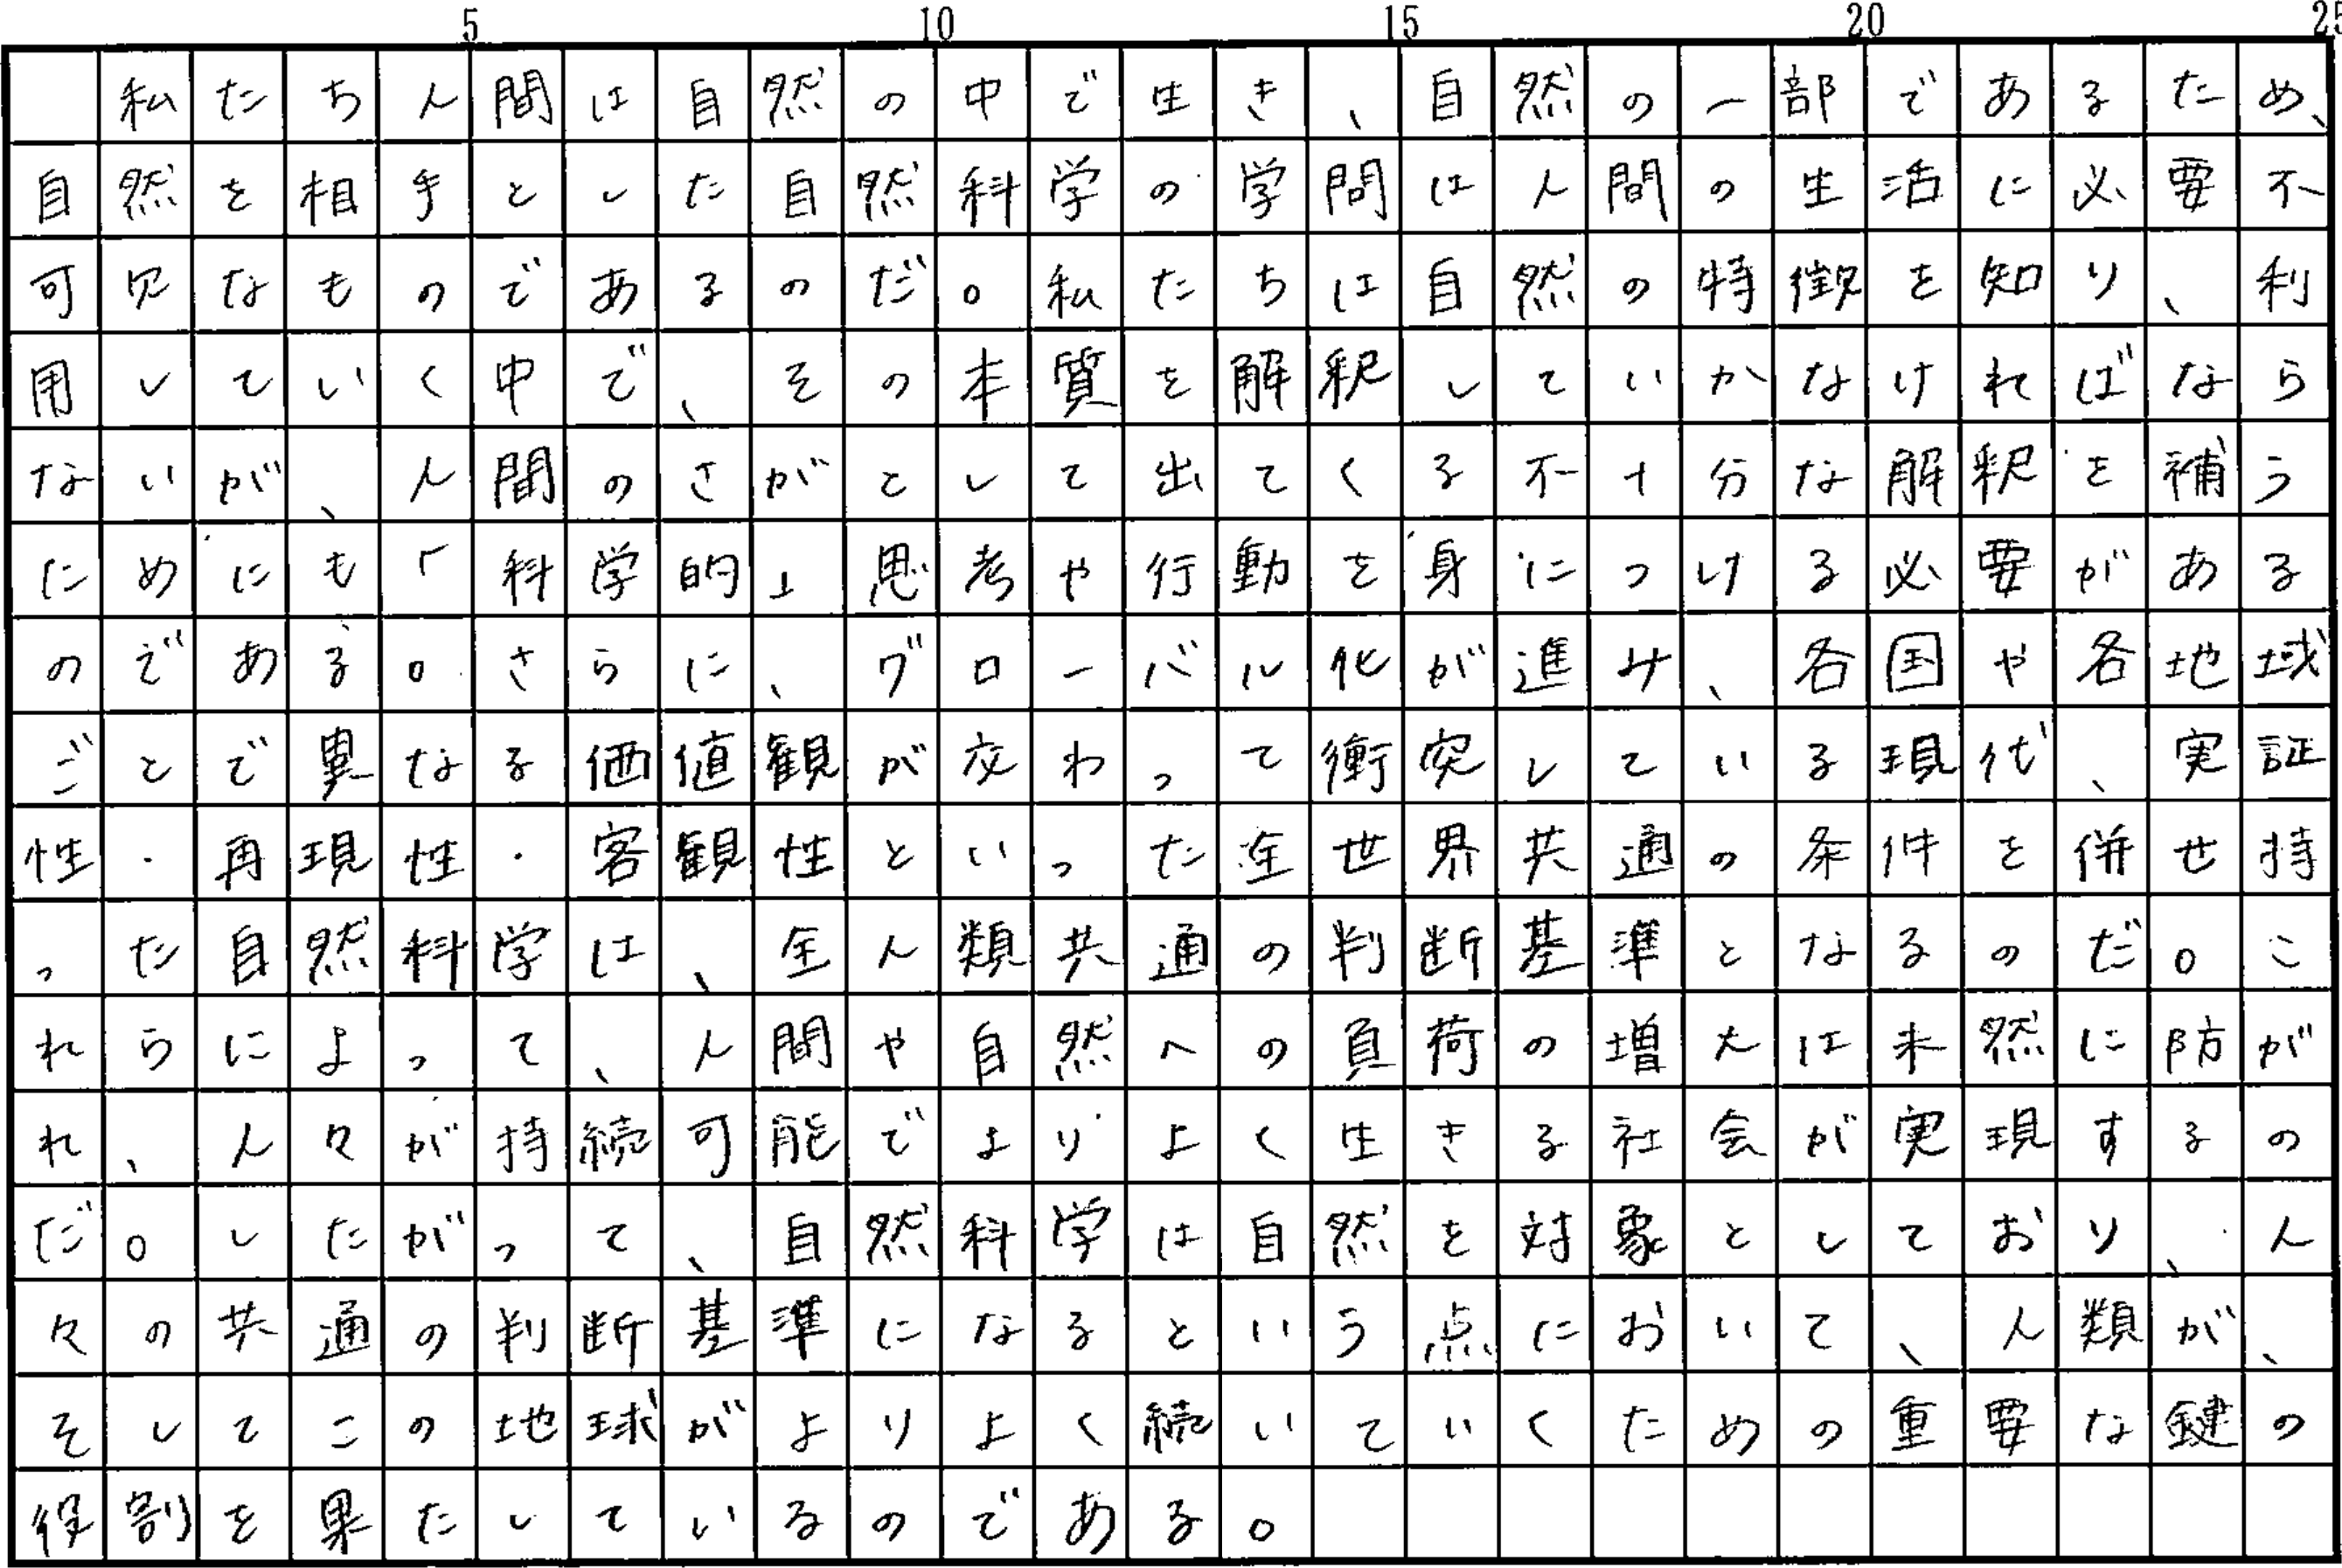　私たち人間は自然の中で生き、自然の一部であるため、自然を相手とした自然科学の学問は人間の生活に必要不可欠なものであるのだ。私たちは自然の特徴を知り、利用していく中で、その本質を解釈していかなければならないが、人間のさがとして出てくる不十分な解釈を補うためにも「科学的」思考や行動を身につける必要があるのである。さらに、グローバル化が進み、各国や各地域ごとで異なる価値観が交わって衝突している現代、実証性・再現性・客観性といった全世界共通の条件を併せ持った自然科学は、全人類共通の判断基準となるのだ。これらによって、人間や自然への負荷の増大は未然に防がれ、人々が持続可能でよりよく生きる社会が実現するのだ。したがって、自然科学は自然を対象としており、人々の共通の判断基準になるという点において、人類が、そしてこの地球がよりよく続いていくための重要な鍵の役割を果たしているのである。
